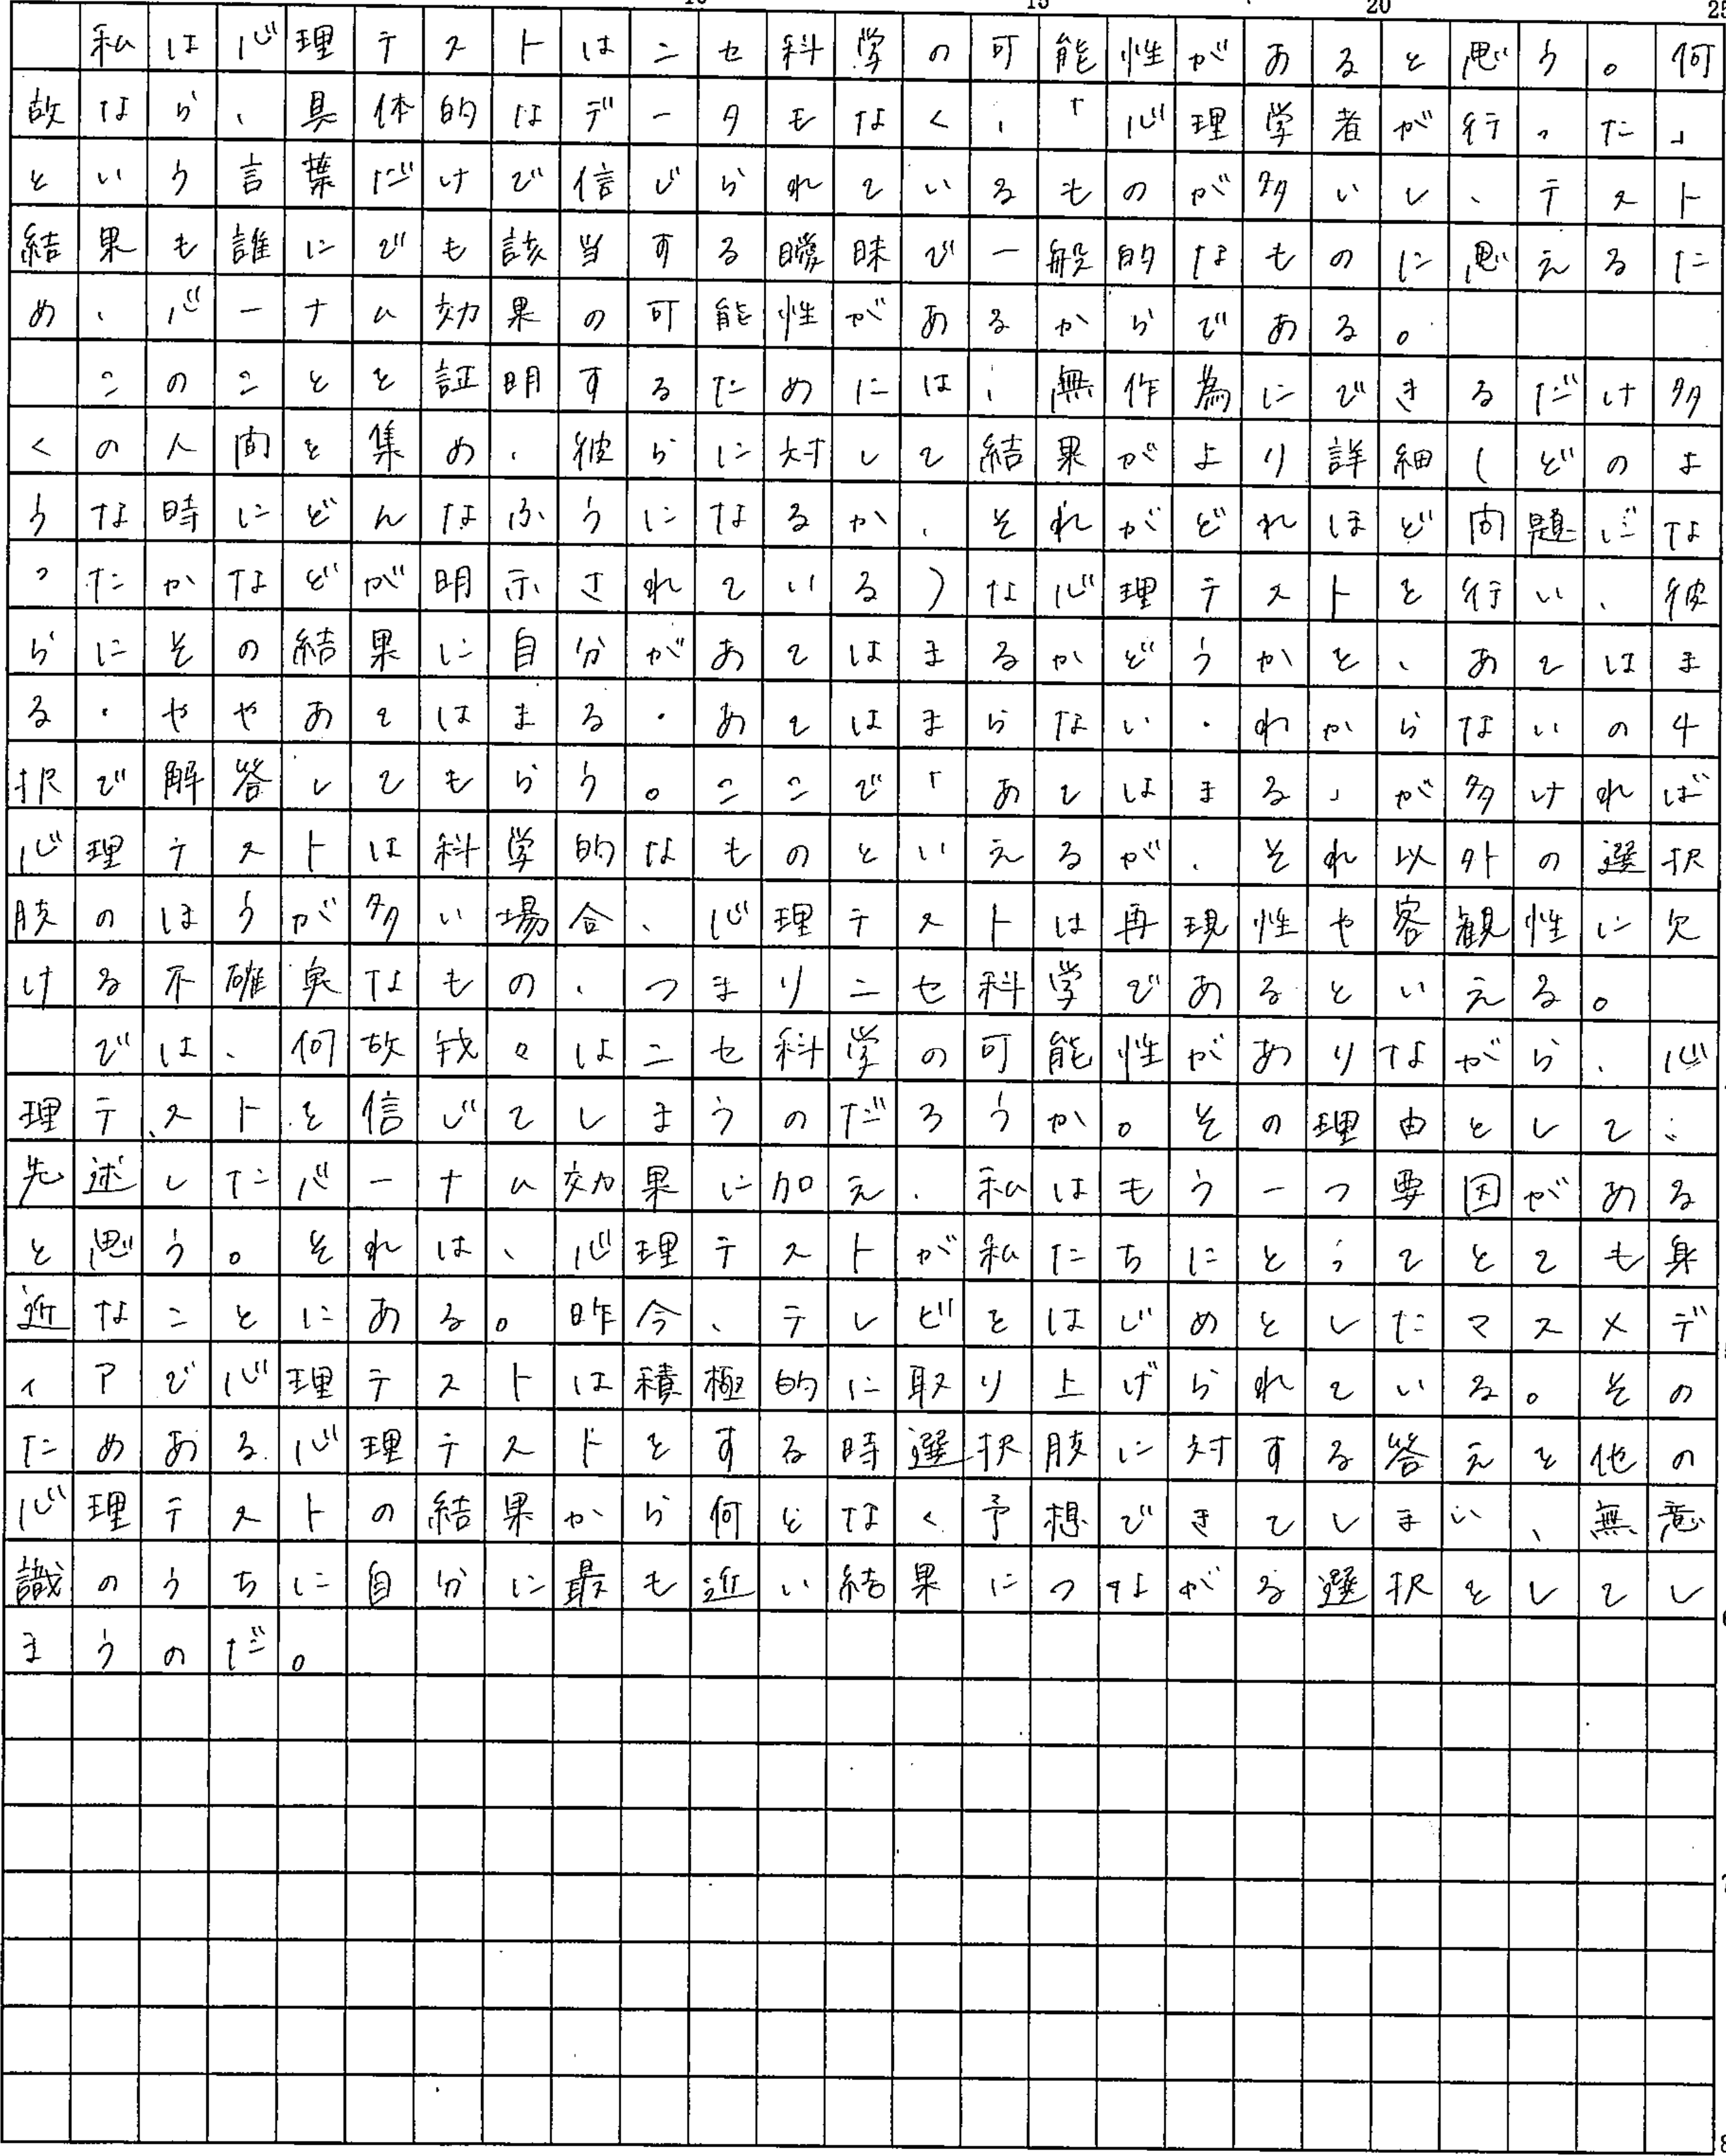　私は心理テストはニセ科学の可能性があると思う。何故なら、具体的なデータもなく、「心理学者が行った」という言葉だけで信じられているものが多いし、テスト結果も誰にでも該当する曖昧で一般的なものに思えるため、バーナム効果の可能性があるからである。
　このことを証明するためには、無作為にできるだけ多くの人間を集め、彼らに対して結果がより詳細（どのような時にどんなふうになるか、それがどれほど問題になったかなどが明示されている）な心理テストを行い、彼らにその結果に自分があてはまるかどうかを、あてはまる・ややあてはまる・あてはまらない・わからないの４択で解答してもらう。ここで「あてはまる」が多ければ心理テストは科学的なものといえるが、それ以外の選択肢のほうが多い場合、心理テストは再現性や客観性に欠ける不確実なもの、つまりニセ科学であるといえる。
　では、何故我々はニセ科学の可能性がありながら、心理テストを信じてしまうのだろうか。その理由として、先述したバーナム効果に加え、私はもう一つ要因があると思う。それは、心理テストが私たちにとってとても身近なことにある。昨今、テレビをはじめとしたマスメディアで心理テストは積極的に取り上げられている。そのためある心理テストをする時選択肢に対する答えを他の心理テストの結果から何となく予想できてしまい、無意識のうちに自分に最も近い結果につながる選択をしてしまうのだ。
